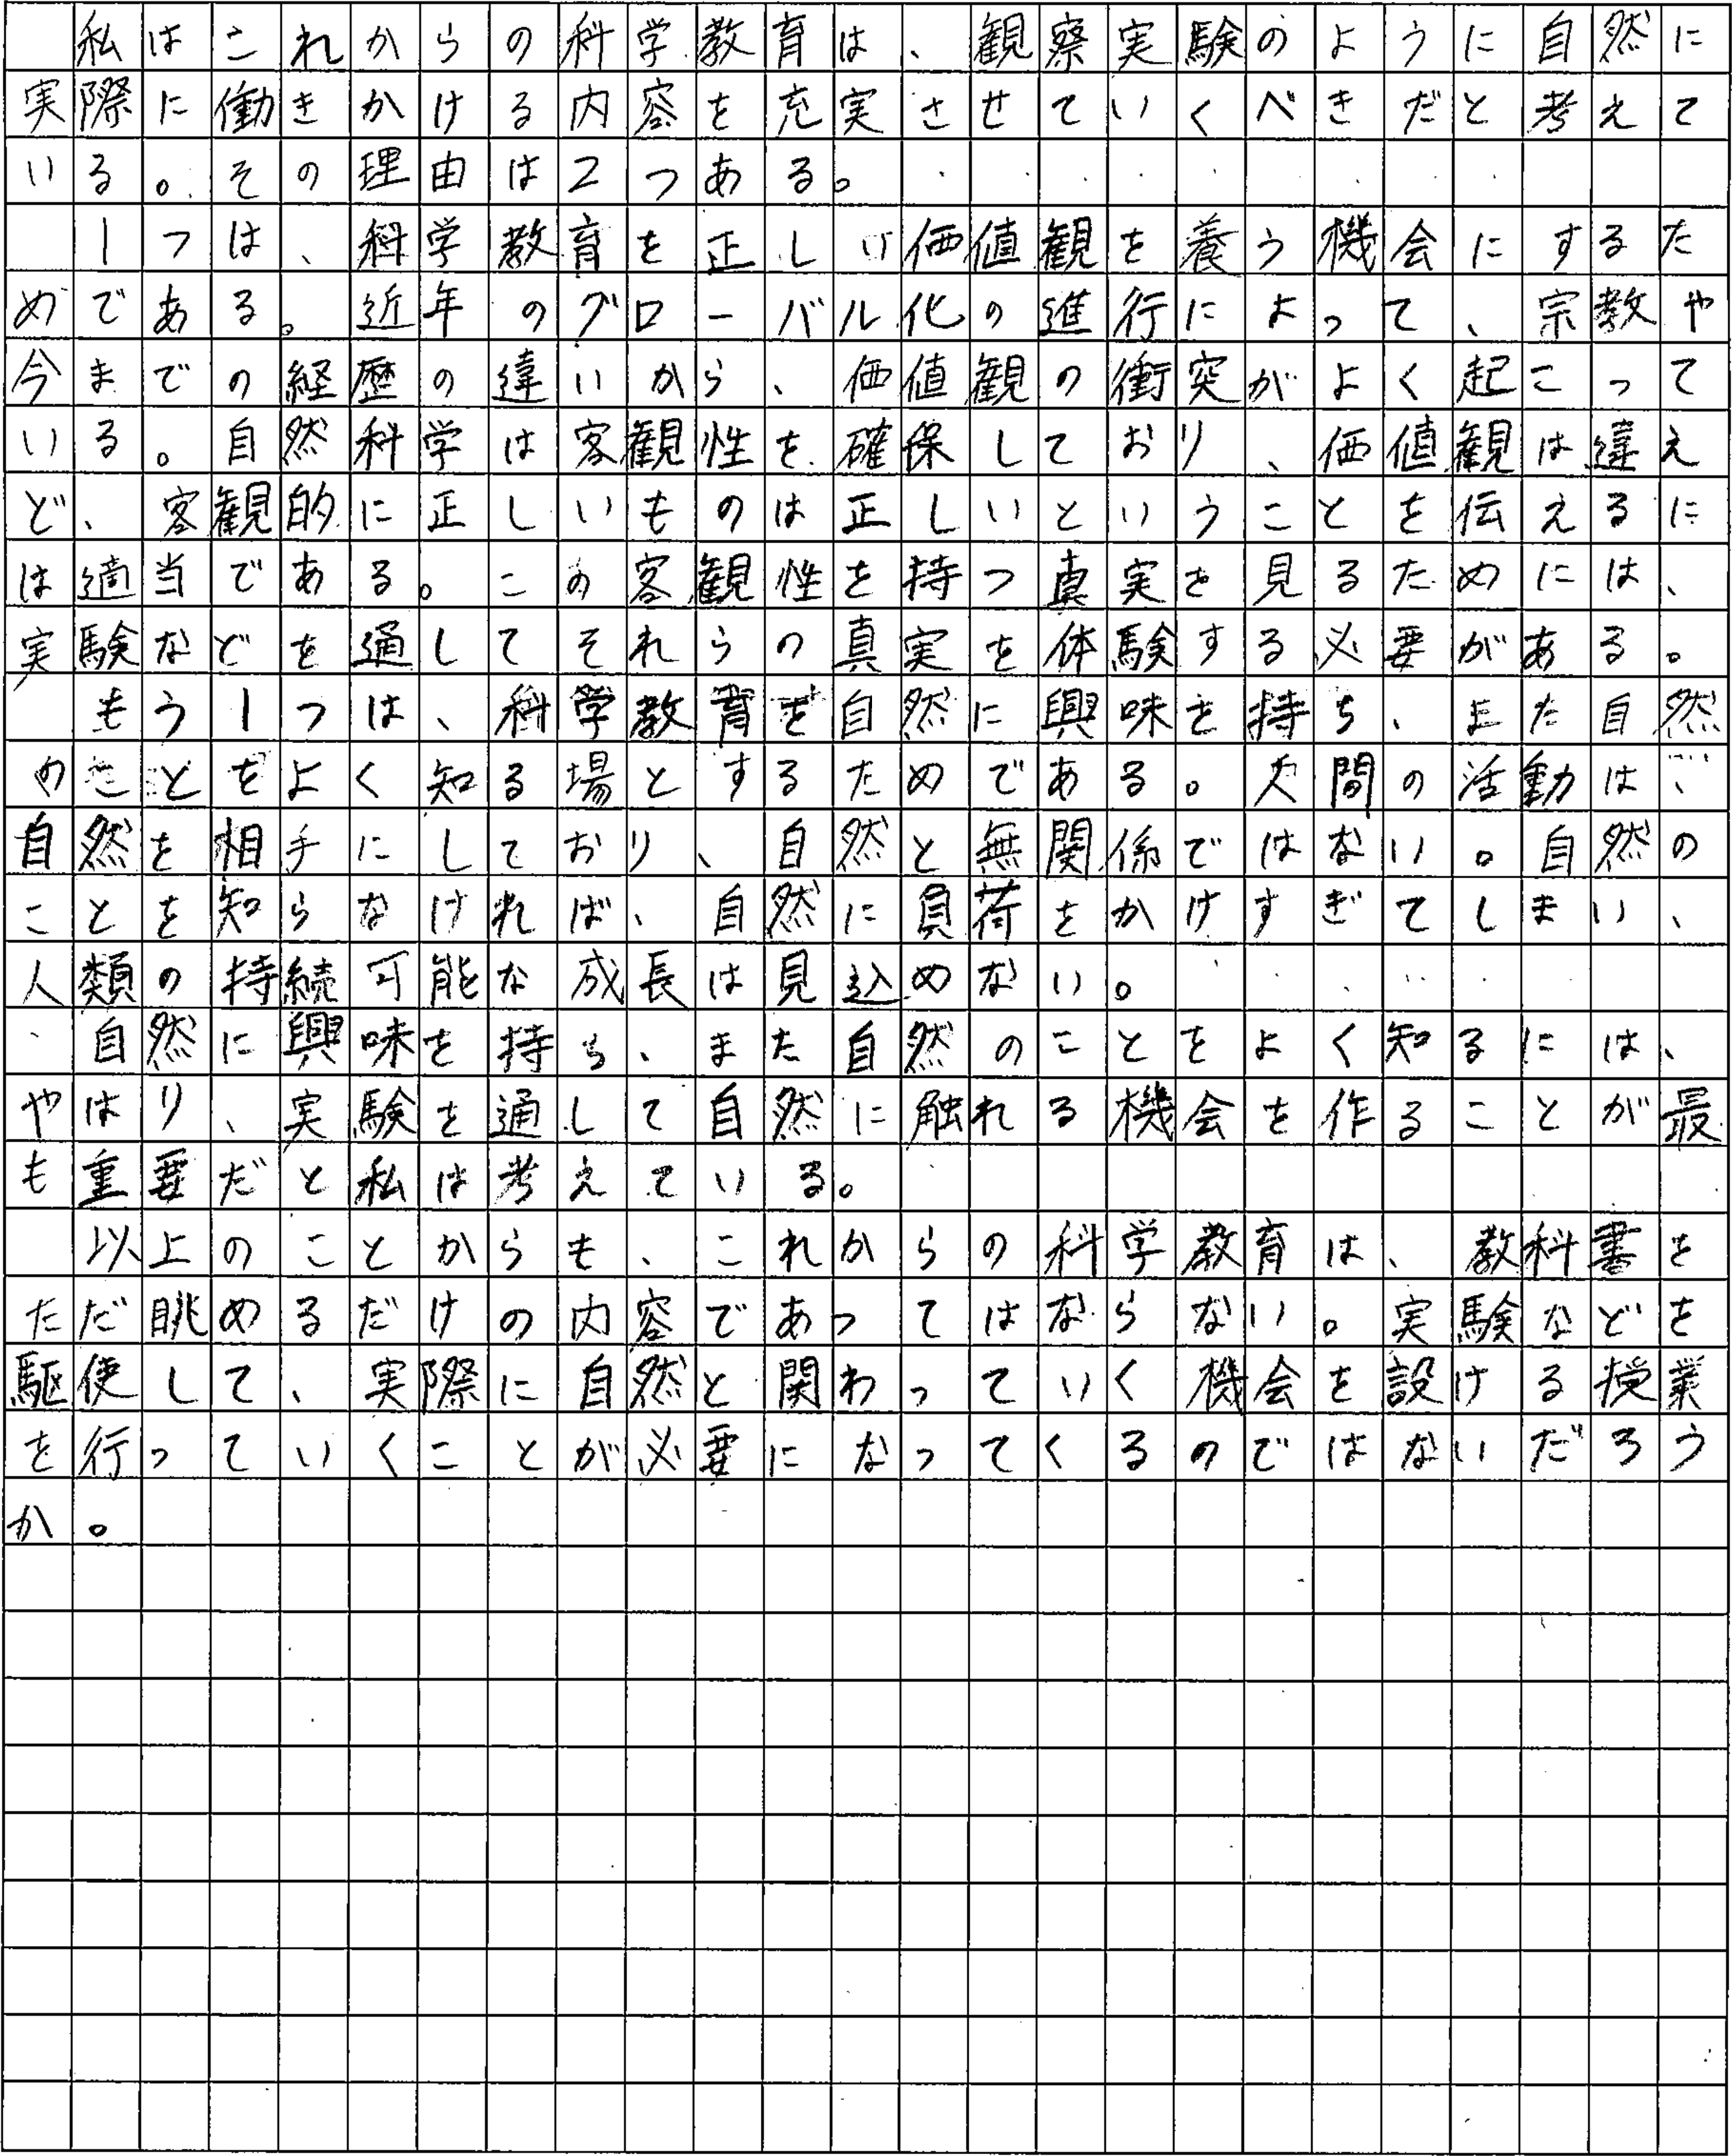　私はこれからの科学教育は、観察実験のように自然に実際に働きかける内容を充実させていくべきだと考えている。その理由は２つある。
　１つは、科学教育を正しい価値観を養う機会にするためである。近年のグローバル化の進行によって、宗教や今までの経歴の違いから、価値観の衝突がよく起こっている。自然科学は客観性を確保しており、価値観は違えど、客観的に正しいものは正しいということを伝えるには適当である。この客観性を持つ真実を見るためには、実験などを通してそれらの真実を体験する必要がある。
　もう１つは、科学教育を自然に興味を持ち、また自然のことをよく知る場とするためである。人間の活動は、自然を相手にしており、自然と無関係ではない。自然のことを知らなければ、自然に負荷をかけすぎてしまい、人類の持続可能な成長は見込めない。
　自然に興味を持ち、また自然のことをよく知るには、やはり、実験を通して自然に触れる機会を作ることが最も重要だと私は考えている。
　以上のことからも、これからの科学教育は、教科書をただ眺めるだけの内容であってはならない。実験などを駆使して、実際に自然と関わっていく機会を設ける授業を行っていくことが必要になってくるのではないだろうか。
